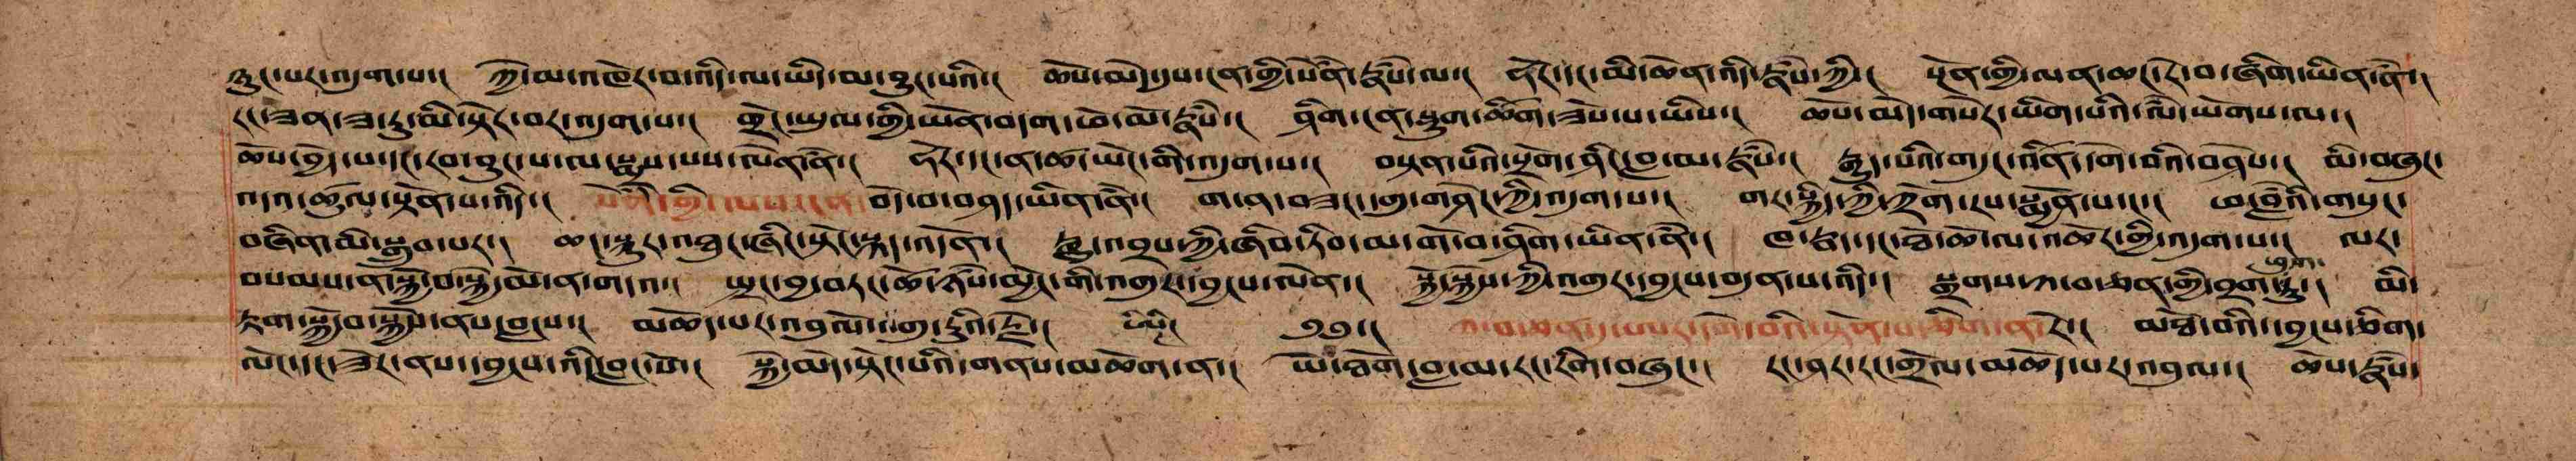ཉུང་པར་འདུག་པ།། ཀྱེ་མ་འཁོར་བ་འདི་ལ་ཡིད་མ་བྱུང་བའི།། ཆོས་མེད་དུས་ངན་གྱི་སེམས་ཅན་རྣམས་ལ།། ཧོར་དང་མི་ཆེན་འདི་རྣམས་ཀྱི།། སྔོན་གྱི་ལན་ཆགས་རེ་བ་ཞིག་ཡིན་ནམ།། 
རང་ཟན་ཟ་རུ་མི་སྟེར་བར་འདུག་པ།། གྲོང་ཡུལ་གྱི་ཡོན་བདག་ཕོ་མོ་རྣམས།། ཤིག་ངན་སྟུག་ཚིག་ཟོས་པ་ཡིས།། ཆོས་མེད་གསེར་ཡིག་པའི་ལམ་སོགས་ལ།། 
ཆོས་བྱེད་པ་དང་རབ་བྱུང་པ་ལ་སྨྲས་པས་ལེན་ནམ།། ཧོར་དང་ན་ཚ་ཡོང་གི་འདུག་པ།། བསྟན་པའི་སྲོག་ཤིང་བླ་མ་རྣམས།། རྒྱུད་པའི་གདུང་འཛིན་དགེ་བའི་བཤེས།། མི་བཞུགས་
གདའ་ཚུལ་སྟོན་པ་འདི།། སེམས་ཅན་གྱི་ལས་ངན་བོད་པ་བཤད་ཡིན་ཞིང་།། ག་ན་བཟང་དགུ་གཤེགས་ཀྱི་འདུག་པ།། གར་སྐྱིད་ཀྱི་ཀྲོག་རས་སྨྱོན་པ་དང་།། ཕ་བླ་མའི་གསུང་
བཞིན་མི་སྒྲུབ་པར།། ཆང་སྐྱུར་འཐུང་ཞིང་སྟོང་སྐད་འདོན།། རྒྱུ་འབྲས་ཀྱི་ཞིབ་ཏིབ་མ་གོ་བ་ཤིག་ཡིན་ནམ།། ཁ་རྦད་དང་ཐོ་ཆོ་ལ་འཆོར་གྱི་འདུག་པ།། ལར་
བསམ་ན་སྐྱོ་བ་སྐྱེ་མོ་ན་གདའ།། སྤྲང་བྱ་བཏང་ཚོ་ཉམས་མྱོང་གི་འགུར་དབྱངས་ལེན།། སྐྱོ་སྐྱེས་ཀྱི་འགུར་དབྱངས་བདུན་པ་འདི།། སྒྲགས་ཀ་བ་ཅན་གྱི་བྲག་ཕུག་ཏུ།། མི་
རྟག་སྐྱོ་བ་སྐྱེས་ནས་བླངས།། མཆོད་པར་འབུལ་ལོ་འགུ་རུའི་རྗེ།། ཨིཊི།། ༄༅།། ཀ་བ་ཅན་དུ་ཨར་དགེ་བའི་སྟོན་པ་ཅིག་ན་རེ།། མཐོ་བའི་དབྱངས་ཅིག་
ལོང་དང་ཟེར་ནས་དབྱངས་འདི་བླངས་སོ།། སྐྱེ་མེད་སྟོང་པའི་གནས་མཆོག་ན།། ཡེ་ཐོག་བླ་མ་རང་རིག་བཞུགས།། རང་ཤར་རང་གྲོལ་མཆོད་པ་འབུལ།། ཆོས་རྣམས་